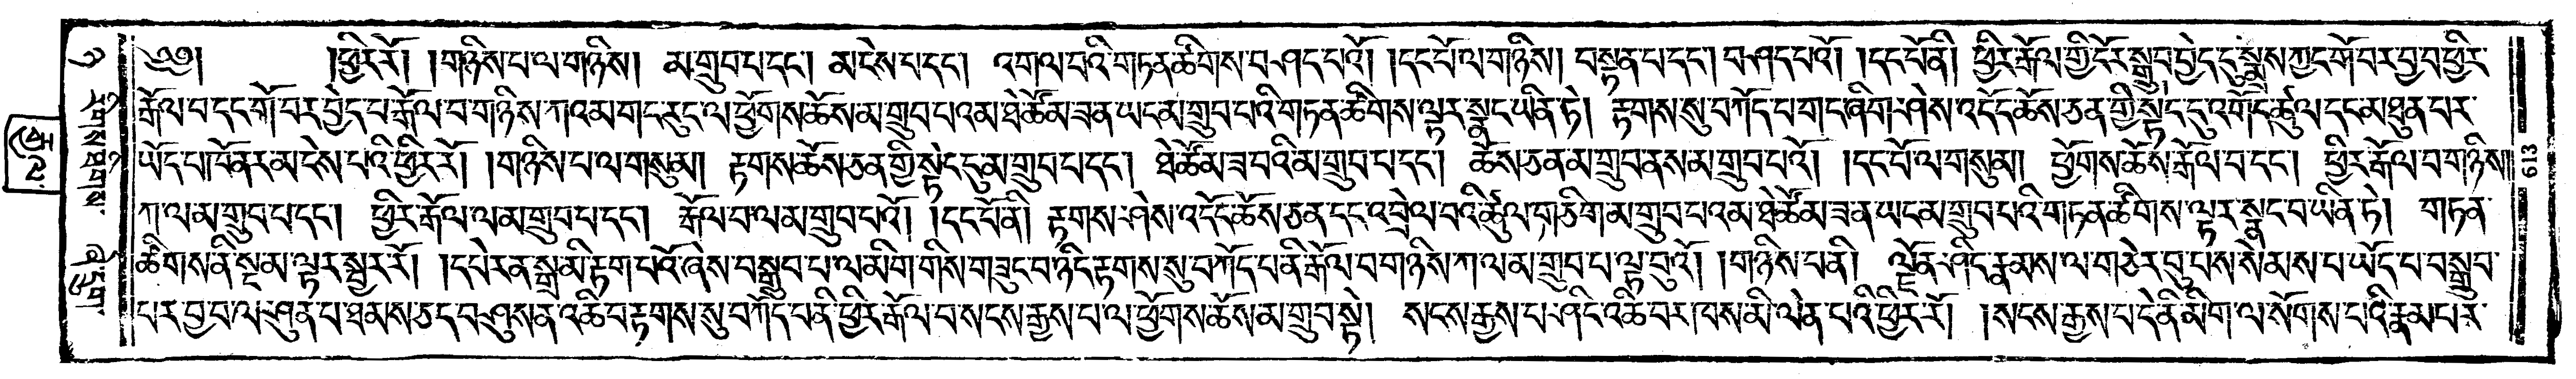༄༅། །ཕྱིར་རོ། །གཉིས་པ་ལ་གཉིས། མ་གྲུབ་པ་དང་། མ་ངེས་པ་དང་། འགལ་བའི་གཏན་ཚིགས་བཤད་པའོ། །དང་པོ་ལ་གཉིས། བསྟན་པ་དང་། བཤད་པའོ། །དང་པོ་ནི། ཕྱིར་རྒོལ་གྱི་དོར་སྒྲུབ་བྱེད་དུ་སྨྲས་ཀྱང་གོ་བར་བྱ་བ་ཕྱིར་
རྒོལ་བ་དང་གོ་བར་བྱེད་པ་རྒོལ་བ་གཉིས་ཀའམ་གང་རུང་ལ་ཕྱོགས་ཆོས་མ་གྲུབ་པའམ་ཐེ་ཚོམ་ཟ་ན་ཡང་མ་གྲུབ་པའི་གཏན་ཚིགས་ལྟར་སྣང་ཡིན་ཏེ། རྟགས་སུ་བཀོད་པ་གང་ཞིག་ཤེས་འདོད་ཆོས་ཅན་གྱི་སྟེང་དུ་འགོད་ཚུལ་དང་མཐུན་པར་
ཡོད་པ་ཁོ་ནར་མ་ངེས་པའི་ཕྱིར་རོ། །གཉིས་པ་ལ་གསུམ། རྟགས་ཆོས་ཅན་གྱི་སྟེང་དུ་མ་གྲུབ་པ་དང་། ཐེ་ཚོམ་ཟ་བའི་མ་གྲུབ་པ་དང་། ཆོས་ཅན་མ་གྲུབ་ནས་མ་གྲུབ་པའོ། །དང་པོ་ལ་གསུམ། ཕྱོགས་ཆོས་རྒོལ་བ་དང་། ཕྱིར་རྒོལ་བ་གཉིས།།
ཀ་ལ་མ་གྲུབ་པ་དང་། ཕྱིར་རྒོལ་ལམ་གྲུབ་པ་དང་། རྒོལ་བ་ལ་མ་གྲུབ་པའོ། །དང་པོ་ནི། རྟགས་ཤེས་འདོད་ཆོས་ཅན་དང་འབྲེལ་བའི་ཚུལ་གཅིག་མ་གྲུབ་པའམ་ཐེ་ཚོམ་ཟ་ན་ཡང་མ་གྲུབ་པའི་གཏན་ཚིགས་ལྟར་སྣང་བ་ཡིན་ཏེ། གཏན་
ཚིགས་ནི་སྔ་མ་ལྟར་སྦྱར་རོ། །དཔེར་ན་སྒྲ་མི་རྟག་པའོ་ཞེས་བསྒྲུབ་པ་ལ་མིག་གིས་གཟུང་བ་ཉིད་རྟགས་སུ་བཀོད་པ་ནི་རྒོལ་བ་གཉིས་ཀ་ལ་མ་གྲུབ་པ་ལྟ་བུའོ། །གཉིས་པ་ནི། ལྗོན་ཤིང་རྣམས་ལ་གཅེར་བུ་པས་སེམས་པ་ཡོད་པ་བསྒྲུབ་
པར་བྱ་བ་ལ་ཤུན་པ་ཐམས་ཅད་བཤུས་ན་འཆི་བརྟགས་སུ་བཀོད་པ་ནི་ཕྱིར་རྒོལ་བ་སངས་རྒྱས་པ་ལ་ཕྱོགས་ཆོས་མ་གྲུབ་སྟེ། སངས་རྒྱས་པ་ཤིང་འཆི་བར་ཁས་མི་ལེན་པའི་ཕྱིར་རོ། །སངས་རྒྱས་པ་དེ་ནི་མིག་ལ་སོགས་པའི་རྣམ་པར་